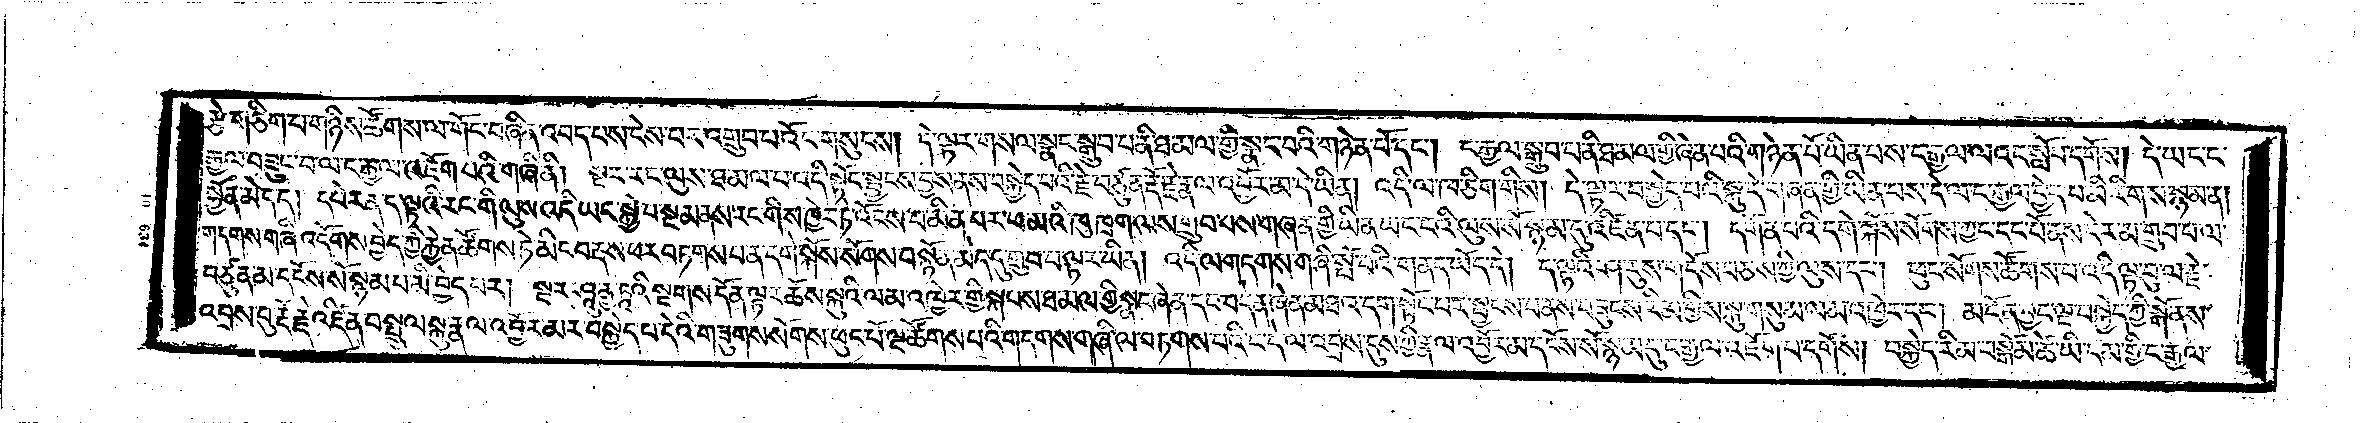རྩེ་གཅིག་པ་གཉིས་ཚོགས་ལ་གོང་བཞིན་འབད་བས་དེས་པར་འགྲུབ་པའོང་གསུངས། དེ་ལྟར་གསལ་སྣང་སྒྲུབ་པ་ནི་ཐ་མལ་གྱི་སྣང་བའི་གཉེན་པོ་དང་། ང་རྒྱལ་སྒྲུབ་པ་ནི་ཐ་མལ་གྱི་ཞེན་པའི་གཉེན་པོ་ཡིན་པས་ང་རྒྱལ་ལའང་སློབ་དགོས། དེ་ཡང་ང་
རྒྱལ་བཟུང་བ་ལང་རྒྱལ་འཇོག་པའི་གཞི་ནི། སྔར་རང་ལུས་ཐ་མལ་པ་འདི་སྟོང་སྦྱངས་བྱས་ནས་བསྐྱེད་པའི་རྗེ་བཙུན་རྡོ་རྗེ་རྣལ་འབྱོར་མ་དེ་ཡིན། འདི་ལ་ཁ་ཅིག་གིས། དེ་ལྟར་བསྐྱེད་པའི་སྐུ་དེ་གཞན་གྱི་ཡིན་པས་དེ་ལ་ང་རྒྱལ་བྱེད་པ་མི་རིགས་སྙམ་ན།
སྐྱོན་མེད་ད། དཔེར་ན་ད་ལྟའི་རང་གི་ལུས་འདི་ཡང་སྐྱེ་བ་སྔ་མ་ནས་རང་གིས་ཁྱེར་ཏེ་འོངས་པ་མིན་པར་ཕ་མའི་ཁུ་ཁྲག་ལས་གྲུབ་བས་གཞན་གྱི་ཡིན་ཡང་ངའི་ལུས་སོ་སྙམ་དུ་འཛིན་པ་དང་། དགོན་པའི་དགེ་སྐོས་སོགས་ཀྱང་དང་པོ་ནས་དེར་མ་གྲུབ་པ་ལ་
གདགས་གཞི་འདོགས་བྱེད་ཀྱི་རྐྱེན་ཚོགས་ཏེ་མིང་བརྡས་ཕར་བཏགས་པན་དགེ་སྐོས་སོགས་བསྙོན་མེད་དུ་གྲུབ་པ་ལྟར་ཡིན། འདི་ལ་གདགས་གཞི་སྦོ་བའི་གནད་ཡོད་དེ། ད་ལྟའི་ཤ་རུས་གདོས་བཅས་ཀྱི་ལུས་དང་། ཕུང་སོགས་ཚོགས་པ་འདི་ལྟ་བུ་ལ་རྗེ་
བཙུན་མ་དངོས་སོ་སྙམ་པ་མི་བྱེད་པར། སྔར་ཤཱུ་ནཡ་ཏཱའི་སྔགས་དོན་ལྟར་ཆོས་སྐུའི་ལམ་འཁྱེར་གྱི་སྐབས་ཐ་མལ་གྱི་སྣང་ཞེན་དང་བདེན་ཞེན་མཐའ་དག་སྟོང་པར་སྦྱངས་པ་ནས་བཟུངས་རིམ་གྱིས་སྐུ་གསུམ་ལམ་འཁྱེར་དང་། མངོན་བྱང་ལྔ་བསྐྱེད་ཀྱི་སྒོ་ནས་
འབྲས་བུ་རྡོ་རྗེ་འཛིན་པ་སྤྲུལ་སྐུ་རྣལ་འབྱོར་མར་བསྐྱེད་པ་དེའི་གཟུགས་སོགས་ཕུང་པོ་ལྔ་ཚོགས་པའི་གདགས་གཞི་ལ་བཏགས་པའི་ང་དེ་ལ་འབྲས་དུས་ཀྱི་རྣལ་འབྱོར་མ་དངོས་སོ་སྙམ་དུ་ང་རྒྱལ་འཇོག་པ་དགོས། བསྐྱེད་རིམ་བསྒོམ་ཚེ་ཡི་དམ་གྱི་ང་རྒྱལ་